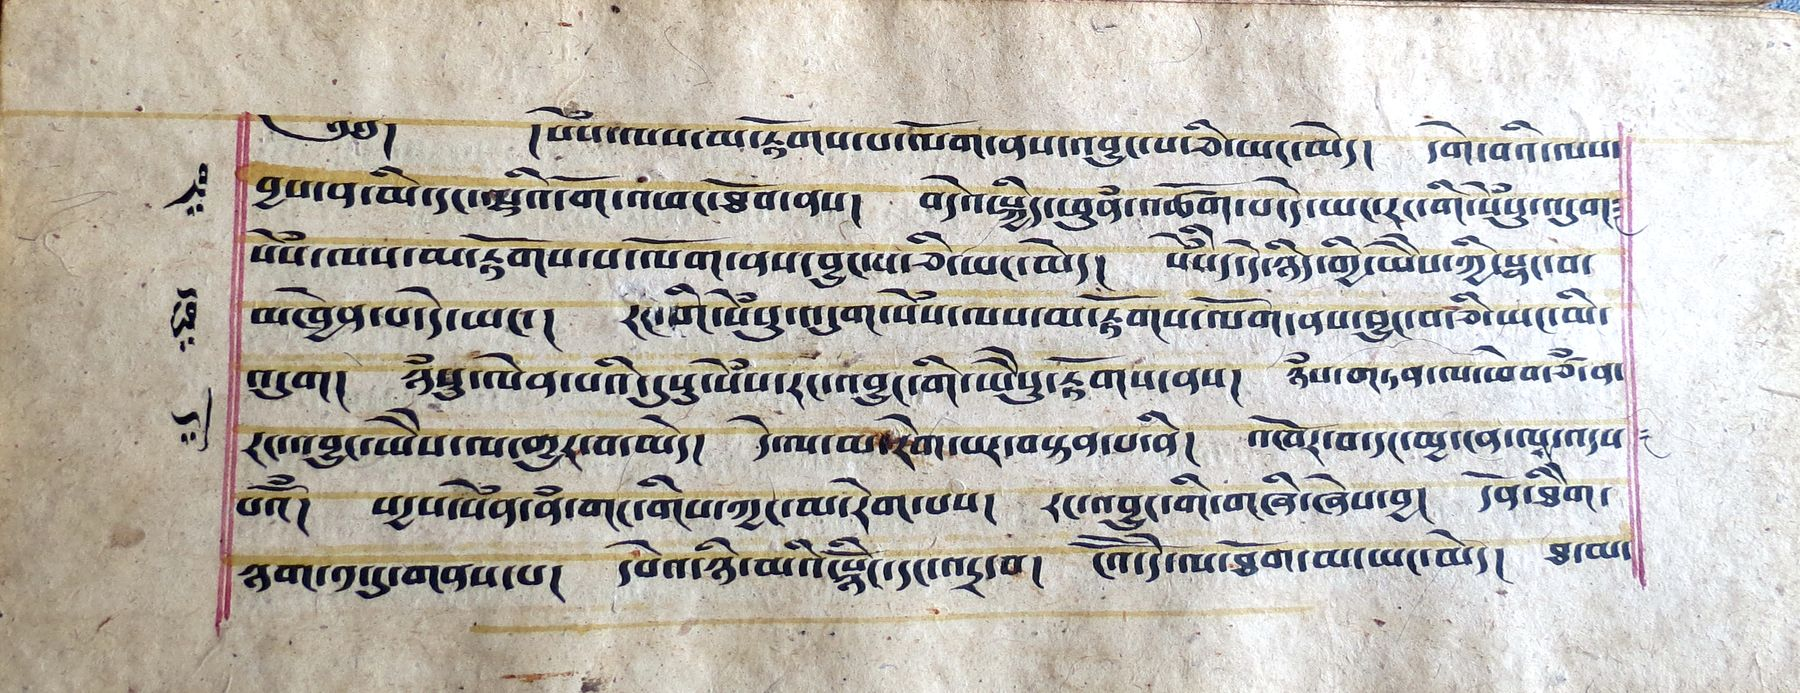སེམས་ལས་མ་གཏོགས་པ་ལོག་ནས་འབྱུང་བ་ཅི་ཡང་མེད། དགེ་བའི་ལས་
བྱས་ན་མི་དང་ལྷའི་གོ་འཕང་ཐོབ་ནས།བདེ་སྐྱིད་ཕུན་སུམ་ཚོགས་པ་དེ་ཡང་རང་གི་སེམས་སུ་འདུག 
སེམས་ལས་མ་གཏོགས་པ་ལོག་ནས་འབྱུང་བ་ཅི་ཡང་མེད། སེམས་ཉིད་དེ་ཉིད་ཀྱི་ཡེ་ཤེས་ཀྱི་སྣང་བ་
མཁྱེན་པ་དེ་ཡང་རང་གི་སེམས་སུ་འདུག སེམས་ལས་མ་གཏོགས་པ་ལོག་ནས་འབྱུང་བ་ཅི་ཡང་མི་
འདུག ཉམས་སུ་ལེན་པའི་དུས་སུ་སེམས་རང་བྱུང་གི་ཡེ་ཤེས་སུ་རྟོགས་ནས་ཉམས་གཏན་ལ་ཕེབས་ཙམ་ན། 
རང་འབྱུང་ཡེ་ཤེས་ལ་འགྱུར་བ་མེད། དེ་ལ་མ་རེག་པར་བསྟན་པ་ནི། འཁོར་བ་དང་མྱ་ངན་ལས་འདས་
པའམ། སངས་རྒྱས་སེམས་ཅན་ནམ་གང་གིས་ཀྱང་མ་རེག་པས། རང་འབྱུང་གི་གཞི་ཞེས་བྱ། དོན་ཐིག་ལེ་
ཉག་གཅིག་ཏུ་གནས་པ། དཔེ་ཉི་མའི་སྙིང་པོ་དང་འདྲ་བ། ངོ་བོ་དེ་ལ་ཐོག་མ་ཡང་མེད། ཐ་མ་